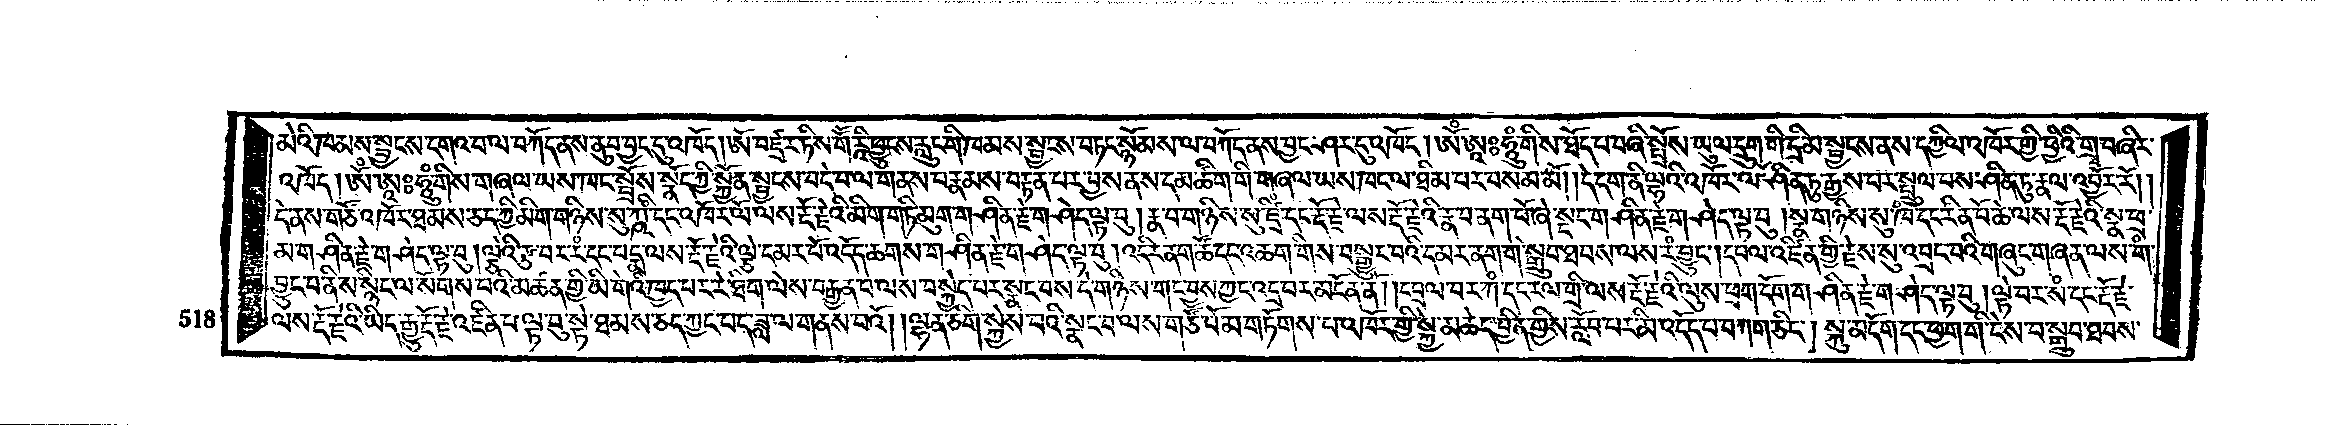མེའི་ཁམས་སྦྱངས་དགའ་བ་ལ་བཀོད་ནས་ནུབ་བྱང་དུ་འཁོད། ཨོཾ་བཛྲ་ར་ཏིས་གཽ་རཱི་ཕྱུངས་རླུང་གི་ཁམས་སྦྱངས་བཏང་སྙོམས་ལ་བཀོད་ནས་བྱང་ཤར་དུ་འཁོད། ཨོཾ་ཨཱཿ ཧཱུཾ་གིས་ཐོད་པ་བཞི་སྤྲོས་ཡུལ་དྲུག་གི་དྲི་མ་སྦྱངས་ནས་དཀྱིལ་འཁོར་གྱི་ཕྱིའི་གྲྭ་བཞིར་
འཁོད། ཨོཾ་ཨཱཿ ཧཱུཾ་གིས་གཞལ་ཡས་ཁང་སྦྲོས་སྣོད་ཀྱི་སྐྱོན་སྦྱངས་བདེ་བ་ལ་གནས་པ་རྣམས་བརྟན་པར་བྱས་ནས་དམ་ཚིག་གི་གཞལ་ཡས་ཁང་ལ་ཐིམ་པར་བསམ་མོ། །དེ་དག་ནི་ལྷའི་འཁོར་ལོ་ཤིན་ཏུ་རྒྱས་པར་སྤྲུལ་པས་ཤིན་ཏུ་རྣལ་འབྱོར་རོ། །
དེ་ནས་གཙོ་འཁོར་ཐམས་ཅད་ཀྱི་མིག་གཉིས་སུ་ཀྵིཾ་དང་འཁོར་ལོ་ལས་རྡོ་རྗེའི་མིག་གཏི་མུག་གཤིན་རྗེ་གཤེད་ལྟ་བུ། རྣ་བ་གཉིས་སུ་ཛྲིཾ་དང་རྡོ་རྗེ་ལས་རྡོ་རྗེའི་རྣ་བ་ནག་པོ་ཞེ་སྡང་གཤིན་རྗེ་གཤེད་ལྟ་བུ། སྣ་གཉིས་སུ་ཁཾ་དང་རིན་པོ་ཆེ་ལས་རྡོ་རྗེའི་སྣ་ཕྲ་
མ་གཤིན་རྗེ་གཤེད་ལྟ་བུ། ལྕེའི་རྩ་བར་རཾ་དང་པདམ་ལས་རྡོ་རྗེའི་ལྕེ་དམར་པོ་འདོད་ཆགས་གཤིན་རྗེ་གཤེད་ལྟ་བུ། འདིར་ནག་ཚེ་དང་འཆག་གིས་བསྒྱུར་བའི་དམར་ནག་གི་སྒྲུབ་ཐབས་ལས་རཾ་བྱུང་། དཔལ་འཛིན་གྱི་རྗེས་སུ་འབྲང་བའི་གཞུང་གཞན་ལས་གཾ་
བྱུང་བ་ནི་ས་སྙིང་ལ་སོགས་པའི་མཚན་གྱི་ཡི་གེའི་ཁྱད་པར་རེ་ཐིག་ལེས་བརྒྱན་པ་ལས་བསྐྱེད་པར་སྣང་བས་དེ་གཉིས་གང་བྱས་ཀྱང་འདྲ་བར་མངོན་ནོ། །དཔྲལ་བར་ཀཾ་དང་རལ་གྲི་ལས་རྡོ་རྗེའི་ལུས་ཕྲག་དོག་གཤིན་རྗེ་གཤེད་ལྟ་བུ། ལྟེ་བར་སཾ་དང་རྡོ་རྗེ་
ལས་རྡོ་རྗེའི་ཡིད་རྒྱུ་རྡོ་རྗེ་འཛིན་པ་ལྟ་བུ་སྟེ་ཐམས་ཅད་ཀྱང་པད་ཟླ་ལ་གནས་པའོ། །ལྷན་ཅིག་སྐྱེས་པའི་སྣང་བ་ལས་གཙོ་བོ་མ་གཏོགས་པ་འཁོར་གྱི་སྐྱེ་མཆེད་བྱིན་གྱིས་རློབ་པར་མི་འདོད་པ་བཀག་ཅིང་། སྐུ་མདོག་དང་ཕྱག་གི་ངེས་པ་སྒྲུབ་ཐབས་